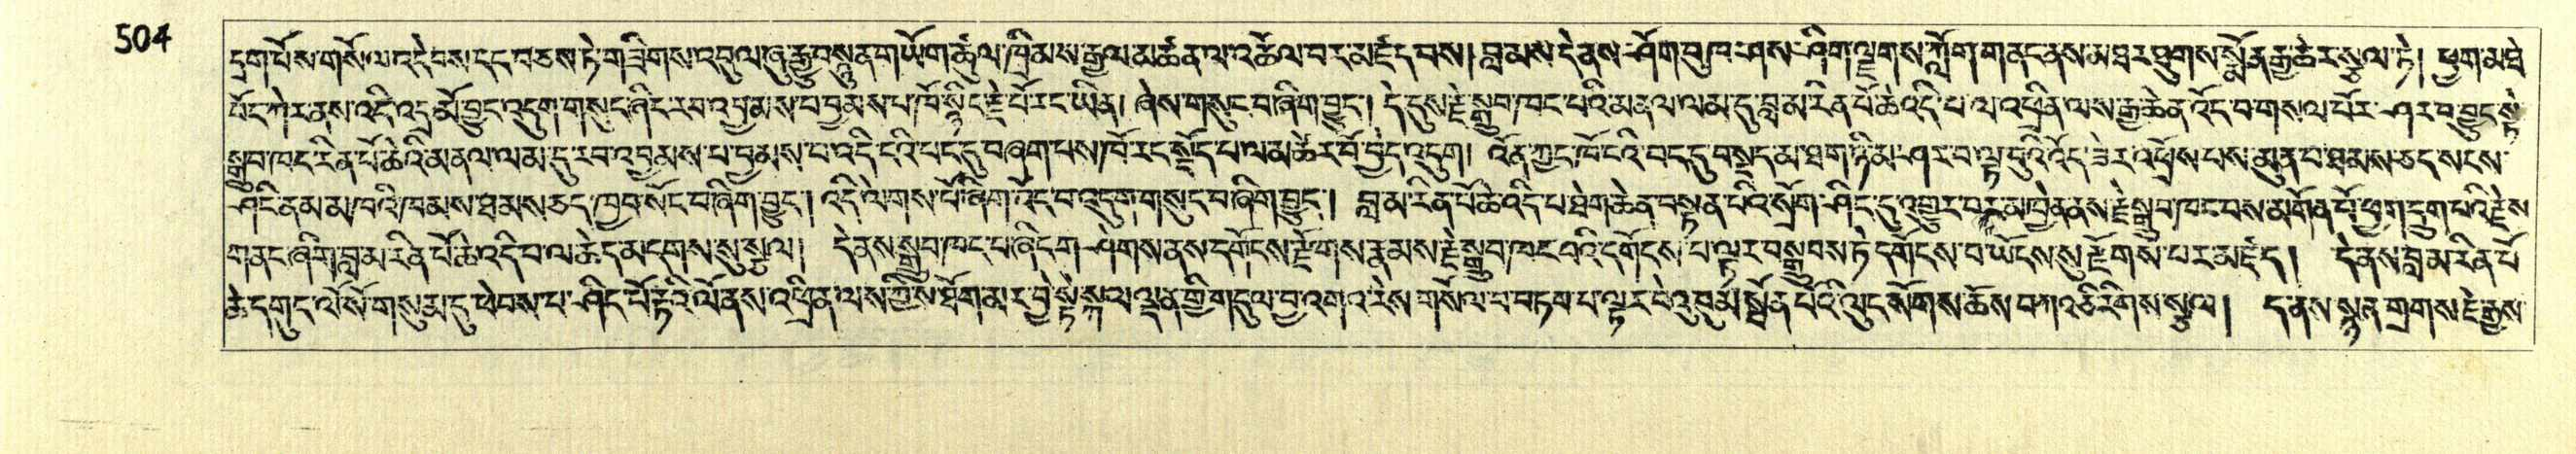དྲག་པོས་གསོལ་འདེབས་དང་བཅས་ཏེ་གཟིགས་འབུལ་ཞུ་རྒྱུ་བསྙུན་གཡོག་ཚུལ་ཁྲིམས་རྒྱལ་མཚན་ལ་འཆོལ་བར་མཛད་བས། བླ་མས་དེ་ནས་ཤོག་བུ་ཁ་ཤས་ཤིག་ལྗགས་ཀློག་གནང་ནས་མཐར་ཐུགས་སྨོན་རྒྱ་ཆེར་སྕལ་ཏེ། ཕྱག་མཐེ་
པོང་ཀེར་ནས་འདི་འདྲ་མོ་བྱུང་འདུག་གསུང་ཞིང་རབ་འབྱམས་པ་བྱམས་པ་ཁོ་སྙིང་རྗེ་པོ་རང་ཡིན། ཞེས་གསུངས་བ་ཞིག་བྱུང་། དེ་དུས་རྗེ་སྒྲུབ་ཁང་པའི་མནལ་ལམ་དུ་བླ་མ་རིན་པོ་ཆེ་འདི་པ་ལ་འཕྲིན་ལས་རྒྱ་ཆེན་འོད་བ་གསལ་པོར་ཤར་བ་བྱུང་སྟེ་
སྒྲུབ་ཁང་རིན་པོ་ཆེའི་མནལ་ལམ་དུ་རབ་འབྱམས་པ་བྱམས་པ་འདི་དའི་པང་དུ་བཞག་པས་ཁོ་རང་སྡོད་པ་ལ་མཚེར་བོ་བྱེད་འདུག། འོན་ཀྱང་ཁོ་བའི་བང་དུ་བསྡད་མ་ཐག་ཉི་མ་ཤར་བ་ལྟ་བུའི་འོད་ཟེར་འཕྲོས་པས་མུན་པ་ཐམས་ཅད་སངས་
ཤིང་ནམ་མཁའི་ཁམས་ཐམས་ཅད་ཁྱབ་སོང་བ་ཞིག་བྱུང་། འདི་ལེགས་པོ་ཞིག་འོད་བ་འདུག་གསུང་བ་ཞིག་བྱུང་། བླ་མ་རིན་པོ་ཆེ་འདི་པ་ཐེག་ཆེན་བསྟན་པའི་སྲོག་ཤིང་དུ་འགྱུར་བར་མཁྱེན་ནས་རྗེ་སྒྲུབ་ཁང་བས་མགོན་པོ་ཕྱག་དྲུག་པའི་རྗེས་
གནང་ཞིག་བླ་མ་རིན་པོ་ཆེ་འདི་བ་ལ་ཆེད་མདགས་སུ་སྩལ། དེ་ནས་སྒྲུབ་ཁང་པ་ཞིང་གཤེགས་ནས་དགོངས་རྫོགས་རྣམས་རྗེ་སྒྲུབ་ཁང་བའི་དགོངས་པ་ལྟར་བསྒྲུབས་ཏེ་དགོངས་བ་ཡོངས་སུ་རྫོགས་པར་མཛད། དེ་ནས་བླ་མ་རིན་པོ་
ཆེ་དགུང་ལོ་སོ་གསུམ་དུ་ཕེབས་པ་ཤིང་པོ་རྟའི་ལོ་ནས་འཕྲིན་ལས་ཀྱིས་ཐོག་མར་བྱེ་སྟེ་སྐལ་ལྡན་གྱི་གདུལ་བྱ་འགའ་རེས་གསོལ་བ་བཏབ་པ་ལྟར་བེའུ་བུམ་སྦོན་པོའི་ལུང་སོགས་ཆོས་བཀའ་ཅི་རིགས་སྩལ། ད་ནས་སྙན་གྲགས་རྗེ་རྒྱས་